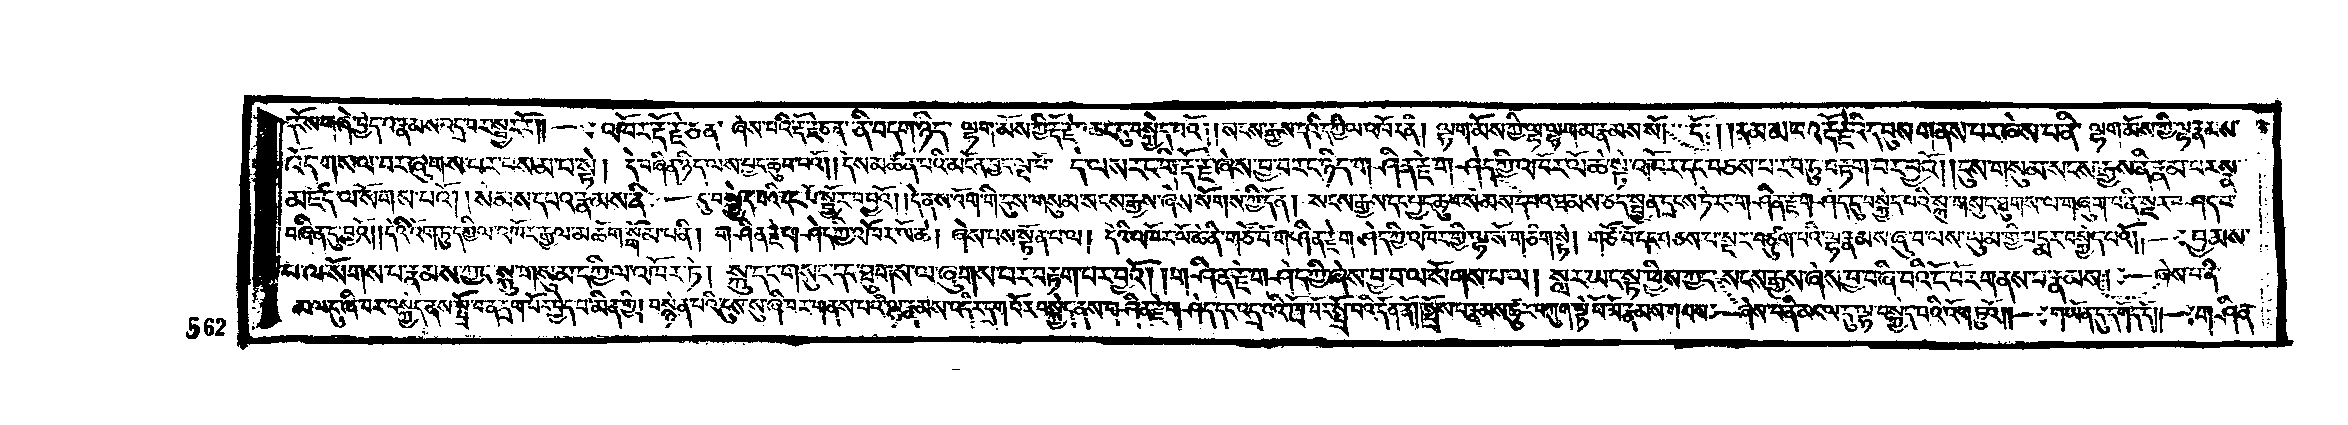དངོས་གཞི་བྱེད་པ་རྣམས་འདྲ་བར་སྦྱར་རོ།། .Hའཁོར་རྡོ་རྗེ་ཅན་ཞེས་པའི་རྡོ་རྗེ་ཅན་ནི་བདག་ཉིད་ལྷག་མོས་ཀྱི་རྡོ་རྗེ་ལམ་དུ་བསྐྱེད་པའོ། །སངས་རྒྱས་དེའི་དཀྱིལ་འཁོར་ནི། ལྷག་མོས་ཀྱི་ལྷ་ལྷག་མ་རྣམས་སོ། དོ། །ནམ་མཁའ་རྡོ་རྗེའི་དབུས་གནས་པར་ཞེས་པ་ནི་ལྷག་མོས་ཀྱི་ལྷ་རྣམས་
འོད་གསལ་བར་ཞུགས་པར་བསམ་པ་སྟེ། དེ་བཞིན་ཉིད་ལས་བྱང་ཆུབ་པའོ། །དེས་མཚོན་པའི་མངོན་བྱང་ལྔ་པོ་དེ་ལས་རང་གི་རྡོ་རྗེ་ཞེས་བྱ་བ་རང་ཉིད་གཤིན་རྗེ་གཤེད་ཀྱི་འཁོར་ལོ་ཆེ་སྟེ་འཁོར་དང་བཅས་པ་རབ་ཏུ་བརྟག་པར་བྱའོ། །དུས་གསུམ་སངས་རྒྱས་ནི་རྣམ་པར་སྣང་
མཛད་ལ་སོགས་པའོ། །སེམས་དཔའ་རྣམས་ནིཿ་དུ་བསྐྱོད་པའི་དང་པོ་སྦྱོར་བ་བྱའོ། །དེ་ནས་འོག་གི་དུས་གསུམ་སངས་རྒྱས་ཞེས་སོགས་ཀྱི་དོན། སངས་རྒྱས་དང་བྱང་ཆུབ་སེམས་དཔའ་ཐམས་ཅད་སྤྱན་དྲངས་ཏེ་རང་གཤིན་རྗེ་གཤེད་དུ་བསྐྱེད་པའི་སྐུ་གསུང་ཐུགས་ལ་གཞུག་པ་ནི་སྔར་བཤད་པ་
བཞིན་དུ་བྱའོ། །དེའི་འོག་ཏུ་དཀྱིལ་འཁོར་རྒྱལ་མཆོག་སྒོམ་པ་ནི། གཤིན་རྗེ་གཤེད་ཀྱི་འཁོར་ལོ་ཆེ། ཞེས་པས་སྟོན་པ་ལ། དེའི་འཁོར་ལོ་ཆེ་ནི་གཙོ་བོ་གཤིན་རྗེ་གཤེད་ཀྱི་འཁོར་གྱི་ལྷ་སོ་གཅིག་སྟེ། གཙོ་བོ་དང་བཅས་པ་སྔར་བཅུག་པའི་ལྷ་རྣམས་ཞུ་བ་ལས་ཡུམ་གྱི་པདམར་བསྐྱེད་པའོ།། .Hབྱམས་
པ་ལ་སོགས་པ་རྣམས་ཀྱང་སྐུ་གསུམ་དཀྱིལ་འཁོར་ཏེ། སྐུ་དང་གསུང་དང་ཐུགས་ལ་ཞུགས་པར་བརྟག་པར་བྱའོ། །གཤིན་རྗེ་གཤེད་ཀྱི་ཞེས་བྱ་བ་ལ་སོགས་པ་ལ། སླར་ཡང་སྟེ་ཕྱིས་ཀྱང་སངས་རྒྱས་ཞེས་བྱ་བ་ཞི་བའི་ངོ་བོར་གནས་པ་རྣམས།H.་ཞེས་པ་ནི་
མངལ་དུ་ཞི་བར་བསྐྱེད་ནས་སྤྲོ་བ་ན་དྲག་པོར་བྱེད་པ་མིན་གྱི། བསྙེན་པའི་དུས་སུ་ཞི་བར་གནས་པའི་ལྷ་རྣམས་འདིར་དྲག་པོར་བསྐྱེད་ནས་གཤིན་རྗེ་གཤེད་དང་འདྲ་བའི་ཁྲོ་བོར་སྤྲོ་བའི་དོན་ནོ། །སྤྲོས་པ་རྣམས་ཚུར་བཀུག་སྟེ་ཕོ་མོ་རྣམས་གཡསཿ་ཞེས་པ་ནི་མངལ་དུ་ལྷ་བསྐྱེད་པའི་འོག་ཏུའོ།། .Hགཡོན་དུ་དགོད་དོ།། .Hགཤིན་